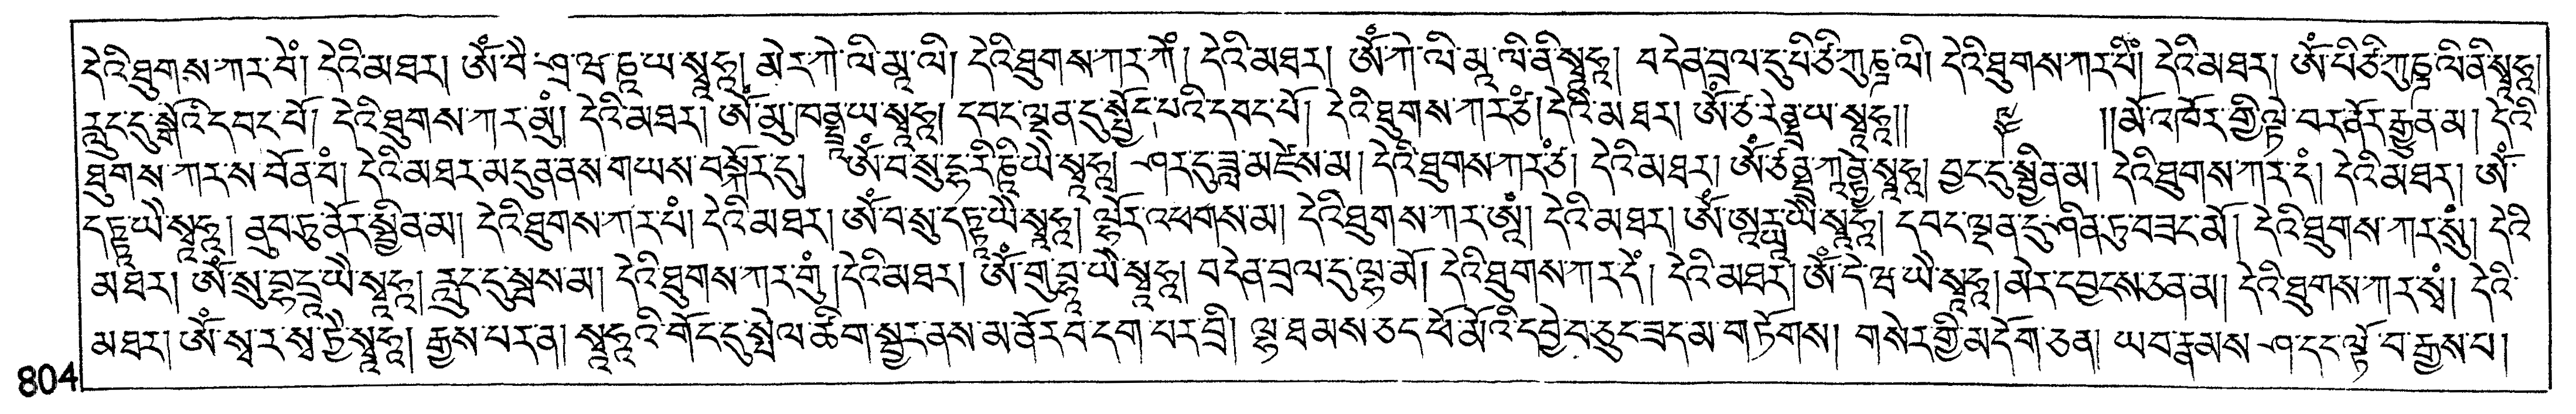དེའི་ཐུགས་ཀར་བེཾ། དེའི་མཐར། ཨོཾ་བཻ་ཤྲ་ཝ་ཎཱ་ཡ་སྭཱཧཱ། མེར་ཀེ་ལི་མཱ་ལི། དེའི་ཐུགས་ཀར་ཀེཾ། དེའི་མཐར། ཨོཾ་ཀེ་ལི་མཱ་ལི་ནི་སྭཱཧཱ། བདེན་བྲལ་དུ་པི་ཙི་ཀུཎྜ་ལི། དེའི་ཐུགས་ཀར་པིཾ། དེའི་མཐར། ཨོཾ་པི་ཙི་ཀུཎྜ་ལི་ནི་སྭཱཧཱ།
རླུང་དུ་སྒོའི་དབང་པོ། དེའི་ཐུགས་ཀར་མུཾ། དེའི་མཐར། ཨོཾ་མུ་ཁནྡྲཱ་ཡ་སྭཱཧཱ། དབང་ལྡན་དུ་སྤྱོད་པའི་དབང་པོ། དེའི་ཐུགས་ཀར་ཙཾ། དེའི་མཐར། ཨོཾ་ཙ་རེནྡྲ་ཡ་སྭཱཧཱ།། ༈ །།མོ་འཁོར་གྱི་ལྟེ་བར་ནོར་རྒྱུན་མ། དེའི་
ཐུགས་ཀར་ས་བོན་བཾ། དེའི་མཐར་མདུན་ནས་གཡས་བསྐོར་དུ། ཨོཾ་བ་སུ་དྷ་རི་ཎཱི་ཡཻ་སྭཱཧཱ། ཤར་དུ་ཟླ་མཛེས་མ། དེའི་ཐུགས་ཀར་ཙཾ། དེའི་མཐར། ཨོཾ་ཙནྡྲ་ཀཱ་ནྟྱེ་སྭཱཧཱ། བྱང་དུ་སྦྱིན་མ། དེའི་ཐུགས་ཀར་དཾ། དེའི་མཐར། ཨོཾ་
དཏྟཱ་ཡཻ་སྭཱཧཱ། ནུབ་ཏུ་ནོར་སྦྱིན་མ། དེའི་ཐུགས་ཀར་པཾ། དེའི་མཐར། ཨོཾ་བ་སུ་དཏྟཱ་ཡཻ་སྭཱཧཱ། ལྷོར་འཕགས་མ། དེའི་ཐུགས་ཀར་ཨཱཾ། དེའི་མཐར། ཨོཾ་ཨཱ་རྱཱ་ཡཻ་སྭཱཧཱ། དབང་ལྡན་དུ་ཤིན་ཏུ་བཟང་མོ། དེའི་ཐུགས་ཀར་སུཾ། དེའི་
མཐར། ཨོཾ་སུ་བྷ་དྲཱ་ཡཻ་སྭཱཧཱ། རླུང་དུ་སྦས་མ། དེའི་ཐུགས་ཀར་གུཾ། དེའི་མཐར། ཨོཾ་གུ་བྷཱ་ཡཻ་སྭཱཧཱ། བདེན་བྲལ་དུ་ལྷ་མོ། དེའི་ཐུགས་ཀར་དེཾ། དེའི་མཐར། ཨོཾ་དེ་ཝ་ཡཻ་སྭཱཧཱ། མེར་དབྱངས་ཅན་མ། དེའི་ཐུགས་ཀར་སྭཾ། དེའི་
མཐར། ཨོཾ་སྭ་ར་སྭ་ཏྱཻ་སྭཱཧཱ། རྒྱས་པར་ན། སྭཱ་ཧཱའི་གོང་དུ་སྤེལ་ཚིག་སྦྱར་ནས་མ་ནོར་བ་དག་པར་བྲི། ལྷ་ཐམས་ཅད་ཕོ་མོའི་དབྱེ་བ་ཅུང་ཟད་མ་གཏོགས། གསེར་གྱི་མདོག་ཅན། ཡབ་རྣམས་ཤ་དང་ལྟོ་བ་རྒྱས་པ།